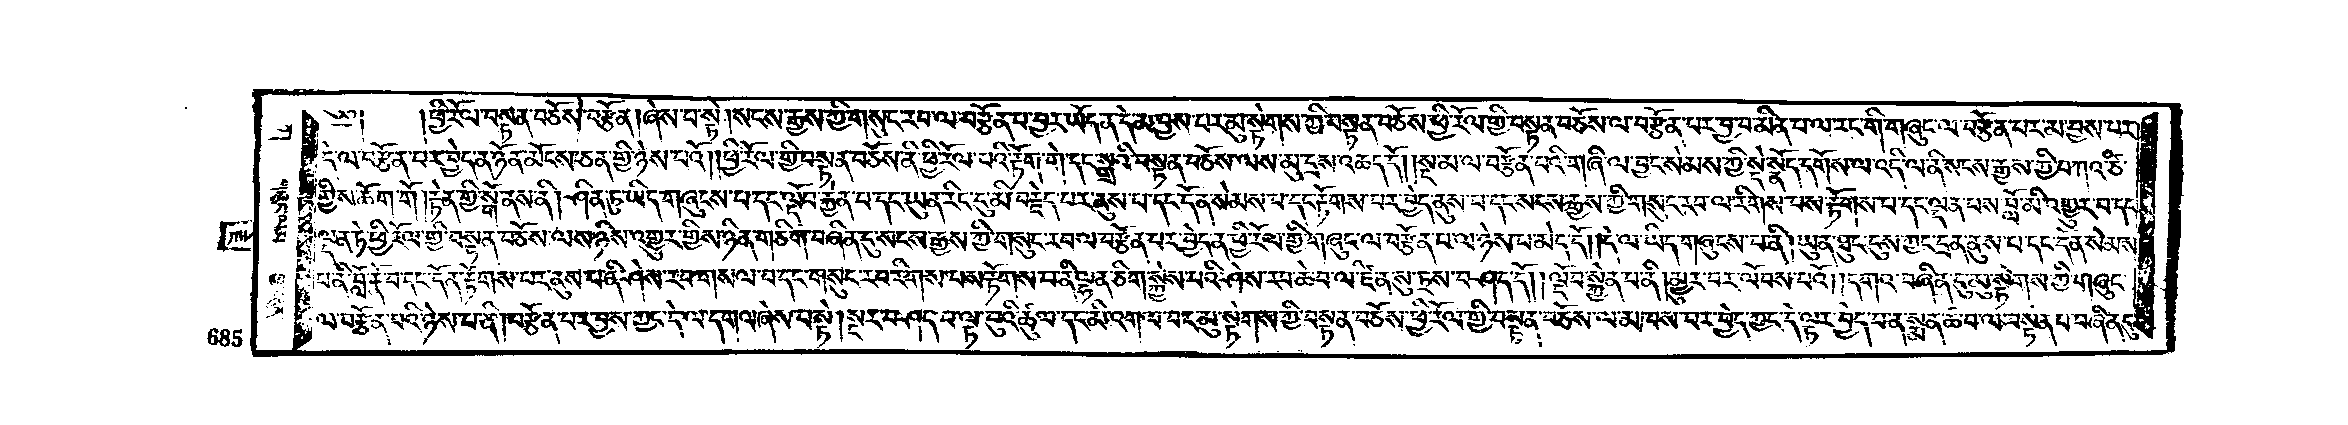༄༅། །ཕྱི་རོལ་བསྟན་བཅོས་བརྩོན། ཞེས་པ་སྟེ། སངས་རྒྱས་ཀྱི་གསུང་རབ་ལ་བརྩོན་པ་བྱར་ཡོད་ན་དེ་མ་བྱས་པར་མུ་སྟེགས་ཀྱི་བསྟན་བཅོས་ཕྱི་རོལ་གྱི་བསྟན་བཅོས་ལ་བརྩོན་པར་བྱ་བ་མིན་པ་ལ་རང་གི་གཞུང་ལ་བརྩོན་པར་མ་བྱས་པར་
དེ་ལ་བརྩོན་པར་བྱེད་ན་ཉོན་མོངས་ཅན་གྱི་ཉེས་པའོ། །ཕྱི་རོལ་གྱི་བསྟན་བཅོས་ནི་ཕྱི་རོལ་པའི་རྟོག་གེ་དང་སྒྲའི་བསྟན་བཅོས་ལས་མུ་དྲས་འཆད་དོ། །སྔ་མ་ལ་བརྩོན་པའི་གཞི་ལ་བྱང་སེམས་ཀྱི་སྡེ་སྣོད་དགོས་ལ་འདི་ལ་ནི་སངས་རྒྱས་ཀྱི་བཀའ་ཙཾ་
གྱིས་ཆོག་གོ །རྟེན་གྱི་སྒོ་ནས་ནི། ཤིན་ཏུ་ཡིད་གཞུངས་པ་དང་ལྡོབ་རྐྱེན་པ་དང་ཡུན་རིང་དུ་མི་བརྗེད་པར་ནུས་པ་དང་དོན་སེམས་པ་དང་རྟོགས་པར་བྱེད་ནུས་པ་དང་སངས་རྒྱས་ཀྱི་གསུང་རབ་ལ་རིགས་པས་རྟོགས་པ་དང་ལྡན་པས་བློ་མི་འགྱུར་བ་དང་
ལྡན་ཏེ་ཕྱི་རོལ་གྱི་བསྟན་བཅོས་ལས་ཉིས་འགྱུར་གྱིས་ཉིན་གཅིག་བཞིན་དུ་སངས་རྒྱས་ཀྱི་གསུང་རབ་ལ་བརྩོན་པར་བྱེད་ན་ཕྱི་རོལ་གྱི་གཞུང་ལ་བརྩོན་པ་ལ་ཉེས་པ་མེད་དོ། །དེ་ལ་ཡིད་གཞུངས་པ་ནི། ཡུན་ཐུང་དུས་ཀྱང་དྲན་ནུས་པ་དང་དོན་སེམས་
པ་ནི་བློ་རྣོ་བ་དང་དོན་རྟོགས་པར་ནུས་པ་ནི་ཤེས་རབ་གསལ་བ་དང་གསུང་རབ་རིགས་པས་རྟོགས་པ་ནི་ལྷན་ཅིག་སྐྱེས་པའི་ཤེས་རབ་ཆེ་བ་ལ་ཛི་ན་སུ་ཏྲས་བཤད་དོ། །ལྡོབ་སྐྱེན་པ་ནི། མྱུར་བར་ལོབས་པའོ། །དགའ་བཞིན་དུ་མུ་སྟེགས་ཀྱི་གཞུང་
ལ་བརྩོན་པའི་ཉེས་པ་ནི། བརྩོན་པར་བྱས་ཀྱང་དེ་ལ་དགལ་ཞེས་བ་སྟེ། སྔར་བཤད་པ་ལྟ་བུའི་ཚུལ་དང་མི་འགལ་བར་མུ་སྟེགས་ཀྱི་བསྟན་བཅོས་ཕྱི་རོལ་གྱི་བསྟན་བཅོས་ལ་མཁས་པར་བྱེད་ཀྱང་དེ་ལྟར་བྱེད་པ་ན་སྨན་ཚ་བ་ལ་བསྟན་པ་བཞིན་དུ་